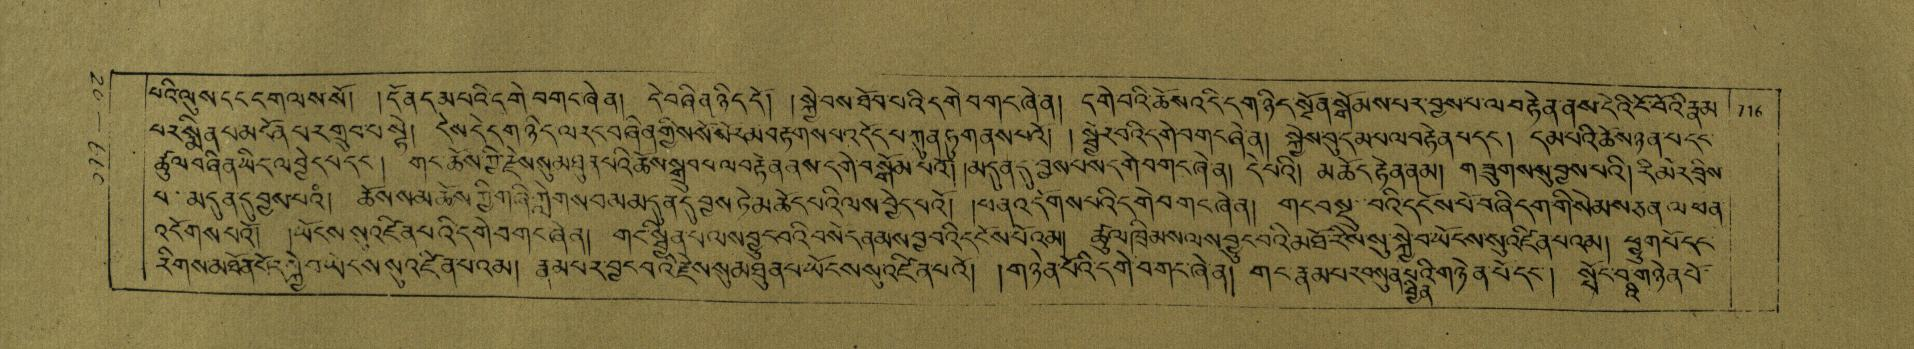པའི་ལུས་དང་དག་ལས་སོ། །དོན་དམ་པའི་དགེ་བ་གང་ཞེ་ན། དེ་བཞིན་ཉིད་དོ། །སྐྱེ་བས་ཐོབ་པའི་དགེ་བ་གང་ཞེ་ན། དགེ་བའི་ཆོས་འདི་དག་ཉིད་སྔོན་སྒོམས་པར་བྱས་པ་ལ་བརྟེན་ནས་དེའི་ངོ་བོའི་རྣམ་
པར་ཉིས་པ་མངོན་པར་གྲུ་བྤ་སྟེ། དེས་དེ་དག་ཉིད་ལ་རང་བཞིན་གྱིས་སོ་སོར་མ་བརྟགས་པ་འདོད་པ་ཀུན་ཏུ་གནས་པའོ། །སྦྱོར་བའི་དགེ་བ་གང་ཞེ་ན། སྐྱེས་བུ་དམ་པ་ལ་བརྟེན་པ་དང་། དམ་པའི་ཆོས་ཉན་པ་དང་།
ཚུལ་བཞིན་ཡིད་ལ་བྱེད་པ་དྡང་། གང་ཆོས་ཀྱི་རྗེས་སུ་མཐུན་པའི་ཆོས་སྒྲུབ་པ་ལ་བརྟེན་ནས་དགེ་བ་སྒོམ་པའོ། །མདུན་དུ་བྱས་པས་དགེ་བ་གང་ཞེ་ན། དེ་པའི། མཆོད་རྟེན་ནམ། གཟུགས་སུ་བྱས་པའི། རི་མོར་བྲིས་
པ་མདུན་དུ་བྱས་པའཾ། ཆོས་སམ་ཆོས་ཀྱི་གཞི་གླེགས་བ་མ་མདུན་དུ་བྱས་ཏེ་མཆོད་པའི་ལས་བྙེད་པའོ། །ཕན་འཛོགས་པའི་དགེ་བ་གང་ཞེ་ན། གང་བསུད་བའི་དངོ་པོ་བཞི་དག་གི་སེམས་ཅན་ལ་ཕན་
འདོགས་པའོ། །ཡོངས་སུ་འཛིན་པའི་དགེ་བ་གང་ཞེ་ན། གང་སྦྱིན་པ་ལས་བྱུང་བའི་བསོད་ནམས་བྱ་བའི་དངོས་པ་འམ། ཚུལ་ཁྲིམས་ལས་བྱུང་བའི་མཐོ་རིས་སུ་སྐྱེ་བ་ཡོངས་སུ་འཛིན་པའམ། ཕྱུག་པོ་དང་
རིགས་མཐོན་པོར་སྐྱེ་བ་ཡོངས་སུ་འཛིན་པ་འམ། རྣམ་པར་བྱང་བའི་རྗེས་སུ་མཐུན་པ་ཡོངས་སུ་འཛིན་པའོ། །གཉེན་པའི་དགེ་བ་གང་ཞེ་ན། གང་རྣམ་པར་བསུན་བྱིན་པའི་གཉེན་པོ་དང་། སྤོང་བའི་གཉེན་པོ་